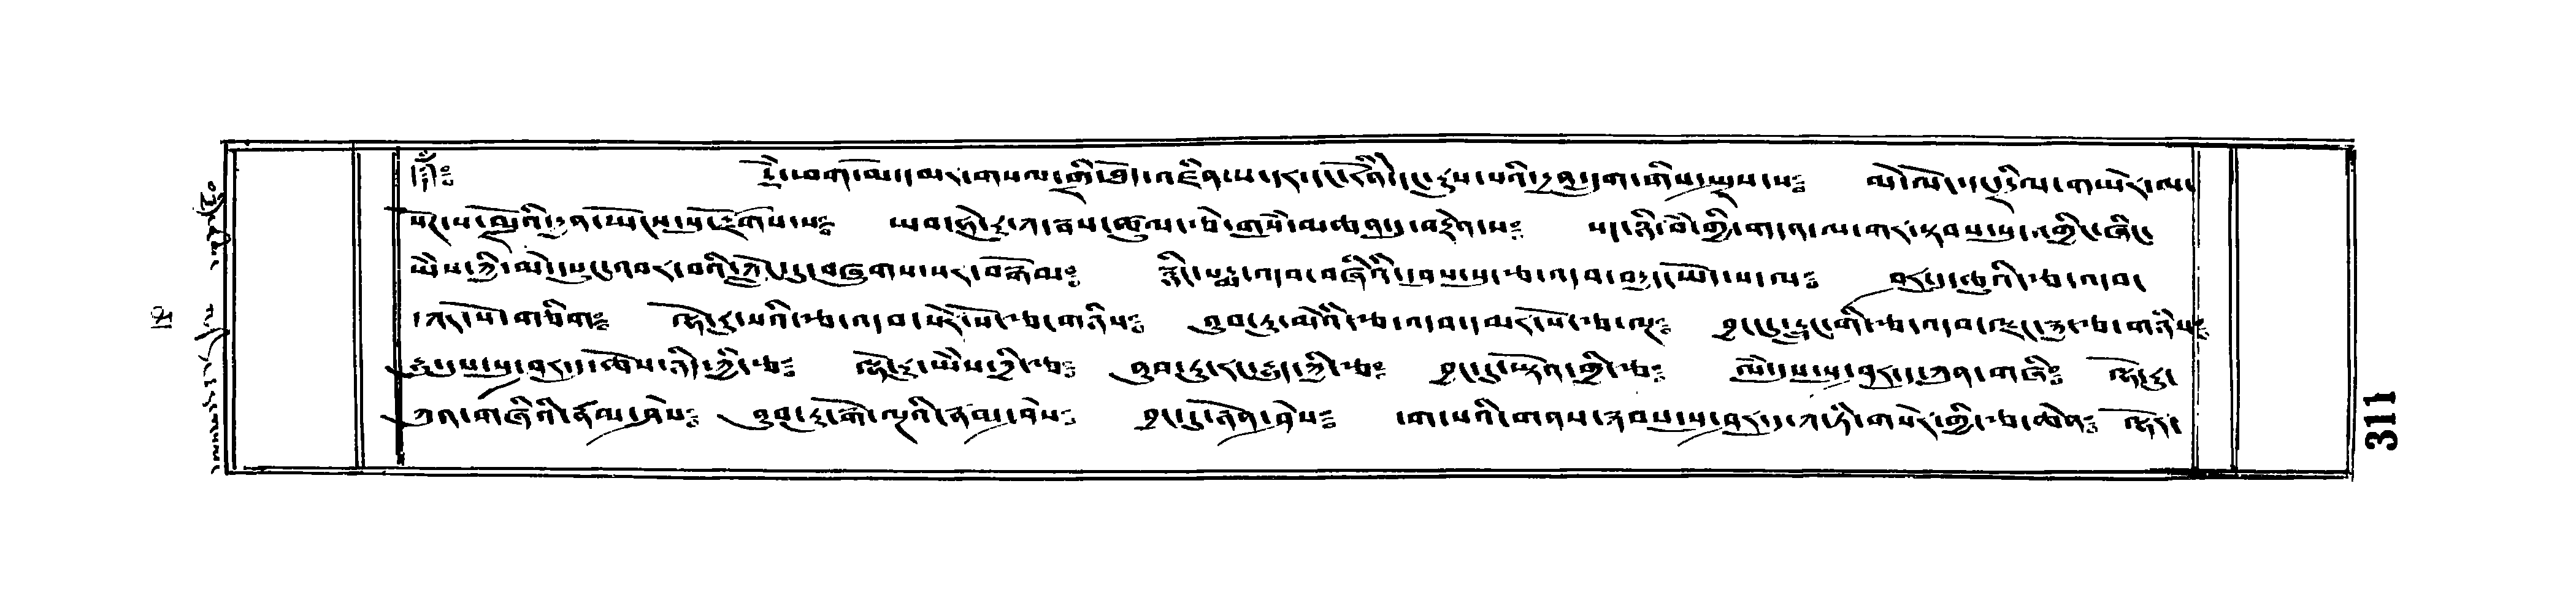རྡོ་རྗེ་ཕག་མོ་དམར་གསལ་གྲི་ཐོད་འཛིན་པ་དར་དང་རིན་པོ་ཆེ་དང་རུས་པའི་རྒྱན་དྲུག་གིས་སྤྲས་པ༔ མེ་ལོང་དང་དྲིལ་གཡེར་ལ་
སོགས་པ་མཁའ་འགྲོའི་རྒྱན་ཡོངས་སུ་རྫོགས་པ༔ ཡབ་ཧེ་རུ་ཀ་སྦས་ཚུལ་རྩེ་གསུམ་མཆན་དུ་བརྟེན་པ༔ པད་ཉི་བམ་གྱི་གདན་ལ་གར་སྟབས་སུ་འགྱིང་ཞིང་
ཡེ་ཤེས་ཀྱི་མེ་དཔུང་འབར་བའི་ཀློང་དུ་བཞུགས་པར་བསྒོམ༔ སྙིང་པདྨ་འདབ་བཞིའི་དབུས་སུ་རྩ་འདབ་བརྒྱད་ཡོད་པ་ལ༔ ཤར་དུ་ཆུའི་རྩ་འདབ་
དཀར་པོ་གཅིག༔ ལྷོ་རུ་སའི་རྩ་འདབ་སེར་པོ་རྩ་གཉིས༔ ནུབ་ཏུ་མེའི་རྩ་འདབ་དམར་པོ་རྩ་ལྔ༔ བྱང་དུ་རླུང་གི་རྩ་འདབ་ལྗང་སྐྱ་རྩ་གཉིས༔ 
རྒྱུ་དུས་སུ་ཤར་དུ་ཆོས་ཉིད་ཀྱི་རྩ༔ ལྷོ་རུ་ཡེ་ཤེས་ཀྱི་རྩ༔ནུབ་ཏུ་རང་རྒྱུད་ཀྱི་རྩ༔ བྱང་དུ་ཡོན་ཏན་གྱི་རྩ༔ ལམ་དུས་དུ་ཤར་དུ་ཀུན་གཞི༔ ལྷོ་རུ་
ཀུན་གཞིའི་རྣམ་ཤེས༔ བྱང་དུ་ཉོན་ཤེས༔ དག་པའི་གནས་སྐབས་སུ་ཤར་དུ་ཀ་ཏི་གསེར་གྱི་རྩ་ཆེན༔ ལྷོར་